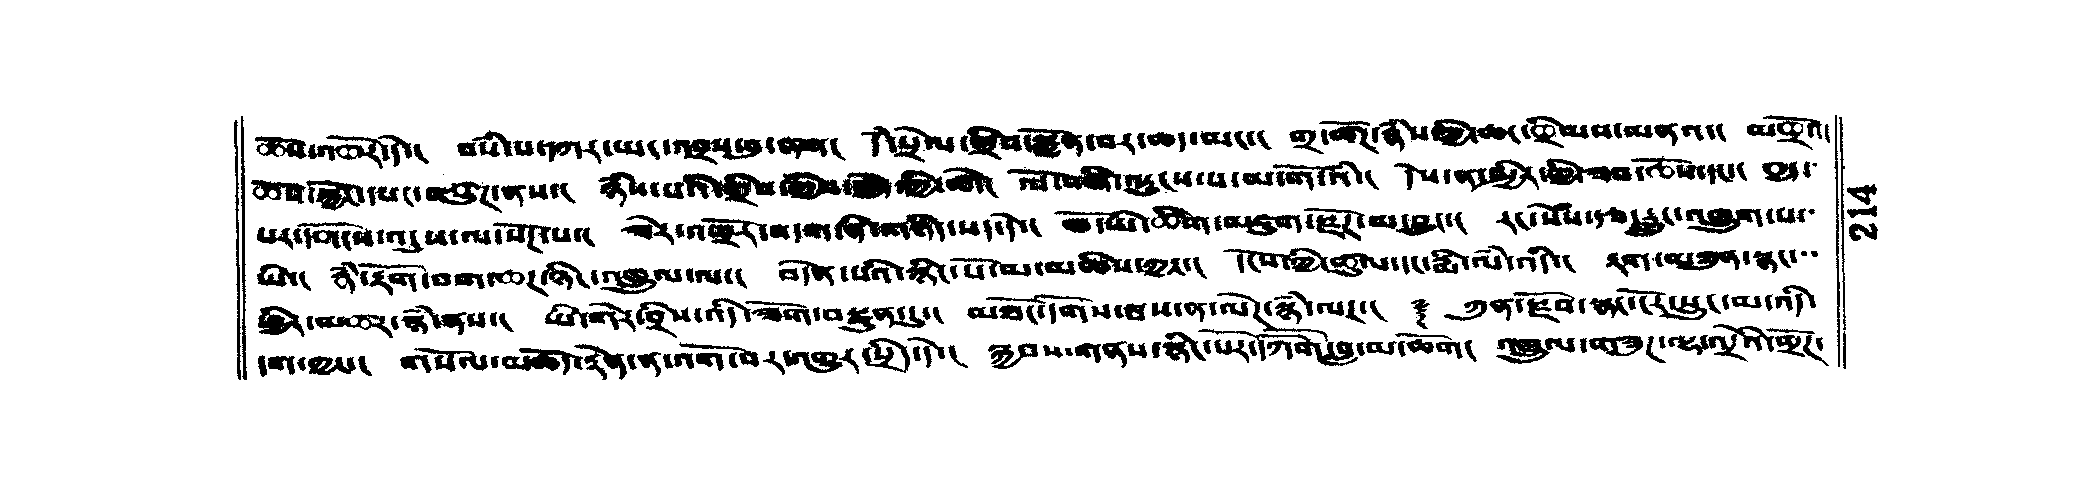ཆོས་འཁོར་དེ། །བསམ་པ་དཀར་ཡང་འབྲས་བུ་ནག །དམ་སེལ་གྲིབ་སྐྱོན་བར་ཆད་མང་། །གྲྭ་ཚོགས་རྣམས་ཀྱིས་ཆང་ཁྲིམས་མནའ། །མཁའ་འགྲོ་
ཆོས་སྐྱོང་དཔང་བཙུགས་ནས། །ཉམས་པའི་གྲིབ་ཀྱིས་ཁྱེད་ཀྱི་ཚེ། །ལོ་བཞི་བསྟུངས་པ་མ་གོའམ། །དེས་ན་སྤྱིར་གྱི་ཟབ་ཆོས་དང་།ཁྱད་
པར་དགོངས་འདུས་ལ་སོགས་པ། །ཟེར་འཕྲོར་བདག་ནི་གཉིད་སད་དེ། །ཁོ་ཡི་ཚིག་མཇུག་རྫོགས་མ་བྱུང་། །རང་སེམས་རྩ་རླུང་འཁྲུགས་པ་
ཡི། །རྣམ་རྟོག་བག་ཆགས་ཉིང་འཁྲུལ་ལ། བདེན་པའི་སྙིང་པོ་མ་མཆིས་ཀྱང་། །དངོས་ཀྱི་ཚུལ་དང་རྨི་ལམ་འདི། །རྟགས་མཐུན་སྣང་
ཕྱིར་མཚར་སྙམ་ནས། །ཡི་གེར་བྲིས་འདི་ཟོག་བརྫུན་དུ། །མཐོང་དོགས་སྦས་ན་ལེགས་སྙམ་ལགས། ༈ ཀུན་རྫོབ་སྣང་ངོར་སྲུང་མ་འདི་
དག་ཀྱང་། །གསོལ་མཆོད་རྟེན་ན་འགོ་བར་འགྱུར་སྲིད་དེ། །སྐྱབས་གནས་སྙིང་པོར་དཀོན་མཆོག་བླ་མ་ཆོག འཁྲུལ་གཟུགས་ལྷ་འདྲེའི་གྲོགས་ཀྱིས་